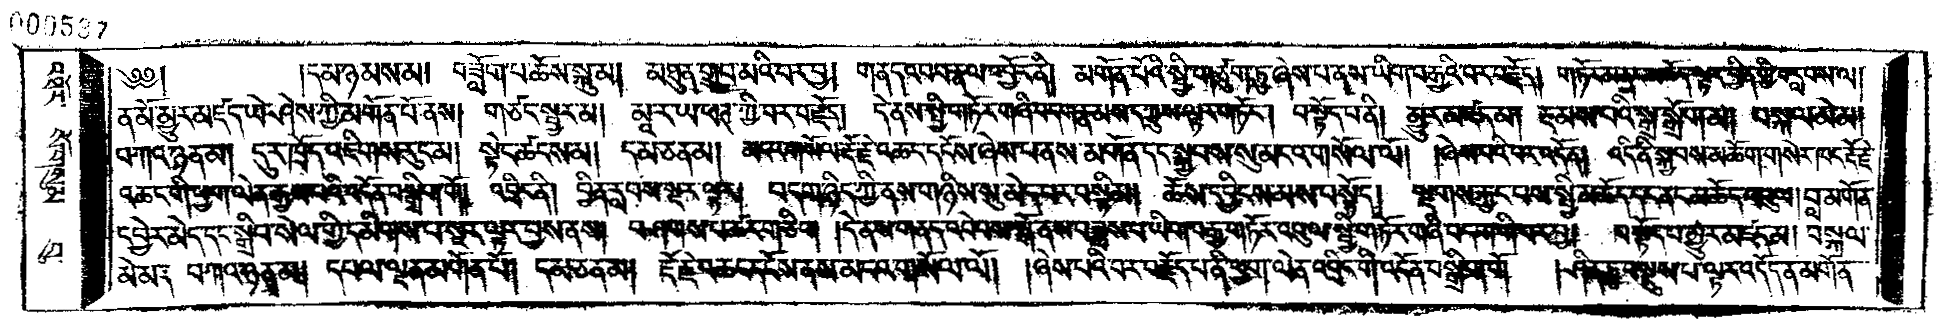༄༅། །དམ་ཉམས་མ། བཟློག་པ་ཆོས་སྐུ་མ། མཐུན་གྲུབ་མའི་བར་བྱ། གནད་འབབ་རྣལ་འབྱོར་ནི། མགོན་པོའི་སྤྱི་གཙུག་ཏུ་ཞེས་པ་ནས་ཡིག་བརྒྱའི་བར་བརྗོད། གཏོར་མ་ནང་མཆོད་ལྟར་བྱིན་གྱི་བརླབས་ལ།
ན་མོ་མྱུར་མཛད་ཡེ་ཤེས་ཀྱི་མགོན་པོ་ནས། གཙང་སྦྱར་མ། མཱ་ར་ཡ་ཕཊ་ཀྱི་བར་བརྗོད། དེ་ནས་སྤྱི་གཏོར་གཞི་བདག་རྣམས་དཀྱུས་ལྟར་གཏོང་། བསྟོད་པ་ནི། མྱུར་མཛད་མ། རྔམས་པའི་སྒྲ་སྒྲོག་མ། བསྐལ་མེ་མ།
བཀའ་ཉན་མ། དུར་ཁྲོད་འཇིགས་རུང་མ། སྟེང་ཚངས་མ། དམ་ཅན་མ། མངའ་གསོལ་རྡོ་རྗེ་འཆང་དངོས་ཞེས་པ་ནས་མགོན་དང་སྐྱབས་སུ་མངའ་གསོལ་ལོ། །ཞེས་པའི་བར་འདོན། འདི་ནི་སྐྱབས་མཆོག་གསེར་ཁང་རྡོ་རྗེ་
འཆང་གི་ཕྱག་ལེན་རྒྱས་པའི་འདོན་བསྒྲིག་གོ །འབྲིང་ནི། བྱིན་རླབས་སྔར་ལྟར། བདག་ཉིད་ཀྱི་ནས་གཉིས་སུ་མེད་པར་བསྟིམ། ཆོས་དབྱིངས་མས་བསྟོད། སྔགས་རྐྱང་བས་སྤྱི་མཆོད་དང་ནང་མཆོད་འབུལ། བླ་མགོན་
དབྱེར་མེད་དང་སྒྲིབ་སེལ་གྱི་དམིགས་པ་སྔར་ལྟར་བྱས་ནས། བཤགས་པ་ཚར་གཅིག །དེ་ནས་གནད་འབེབས་སྒོ་ནས་བཟླས་པ་ཡིག་བརྒྱ་གཏོར་འབུལ་སྤྱི་གཏོར་གཞི་བདག་གི་བར་བྱ། བསྟོད་པ་མྱུར་མཛད་མ། བསྐལ་
མེ་མ༑ བཀའ་ཉན་མ། དཔལ་ལྡན་མགོན་པོ། དམ་ཅན་མ། རྡོ་རྗེ་འཆང་དངོས་ནས་མངའ་གསོལ་ལོ། །ཞེས་པའི་བར་བརྗོད་པ་ནི་ཕྱག་ལེན་འབྲིང་གི་འདོན་བསྒྲིག་གོ །ཤིན་ཏུ་བསྡུས་པ་ལྟར་འདོད་ན་མགོན་